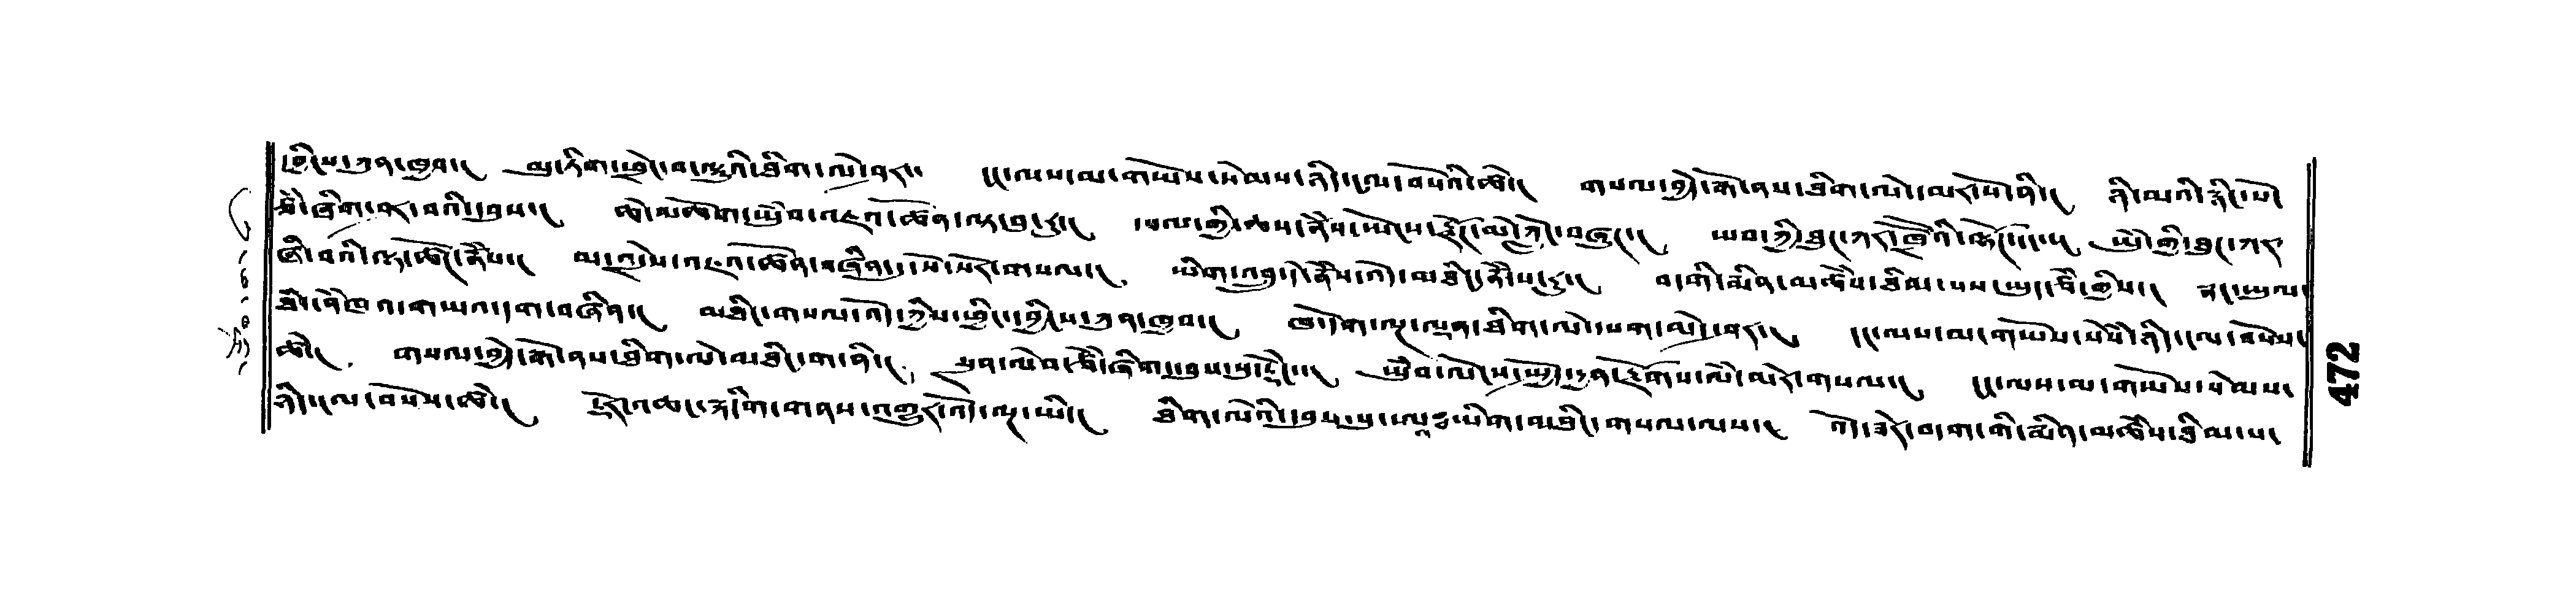དབྱིངས་ཀུན་ཁྱབ། །མུ་ཏིག་ཕྲེང་བ་ལྟ་བུའི་ཐིག་ལེ་ཤར། །ངང་ལས་མ་གཡོས་སེམས་ཉིད་ངལ་བསོའི་ཚེ། །གསལ་བྱེད་སྒོ་ནས་ཐིག་ལེ་དམར་པོ་ནི། །ཉི་མའི་སྙིང་པོ་
ཙམ་ཞིག་ཤར་བའི་དབུས། །ཆེ་མཆོག་ཡབ་ཡུམ་འཇའ་ཚོན་ལྟ་བུ་རུ། །དཔལ་གྱི་ཆས་རྣམས་ཡོངས་རྫོགས་མེ་ཀློང་བཞུགས། །ཡབ་ཀྱི་ཐུགས་ཀར་ཁྲོ་བོའི་ལྷ་ཚོགས་དང་། །ཡུམ་གྱི་ཐུགས་ཀར་
ཞི་བའི་ལྷ་ཚོགས་རྣམས། །མ་འདྲེས་འཇའ་ཚོན་བཞིན་དུ་སོ་སོར་གསལ། །ཡིག་འབྲུ་དེ་རྣམས་འོད་མཐིང་རྣམ་པ་རུ། །བདག་གིས་སྨིན་མཚམས་ཐིམ་པས་ཡུད་ཙམ་གྱིས། །སྣང་ཡུལ་
ཐམས་ཅད་ནམ་མཁའ་གཡའ་དག་བཞིན། །མཐིང་གསལ་འོད་ཀྱིས་ཕྱི་ནང་དབྱིངས་ཀུན་ཁྱབ། ཁ་དོག་ལྔ་ལྡན་ཐིག་ལེ་དཔག་མེད་ཤར། །དང་ལས་མ་གཡོས་སེམས་ཉིད་ངལ་བསོས་
ཚེ། །གསལ་བྱེད་སྒོ་ནས་ཐིག་ལེ་མཐིང་ག་ནི། །སྲན་ལེབ་ཙམ་ཞིག་དབུས་སུ་རྡོ་རྗེ་འཆང་། །ཡབ་ཡུམ་ལོངས་སྤྱོད་རྒྱན་རྫོགས་ལམ་མེར་གསལ། །ངང་ལས་མ་གཡོས་སེམས་
ཉིད་ངལ་བསོས་ཚེ། །རྡོར་འཆང་སྐད་ཅིག་གནས་འགྱུར་འོད་ལྔ་ཡི། །ཐིག་ལེའི་དབུས་སུ་ཨཱཿཡིག་མཐིང་གསལ་ལས། །འོད་ཟེར་བདག་གིས་སྨིན་མཚམས་ཐིམ་པ་